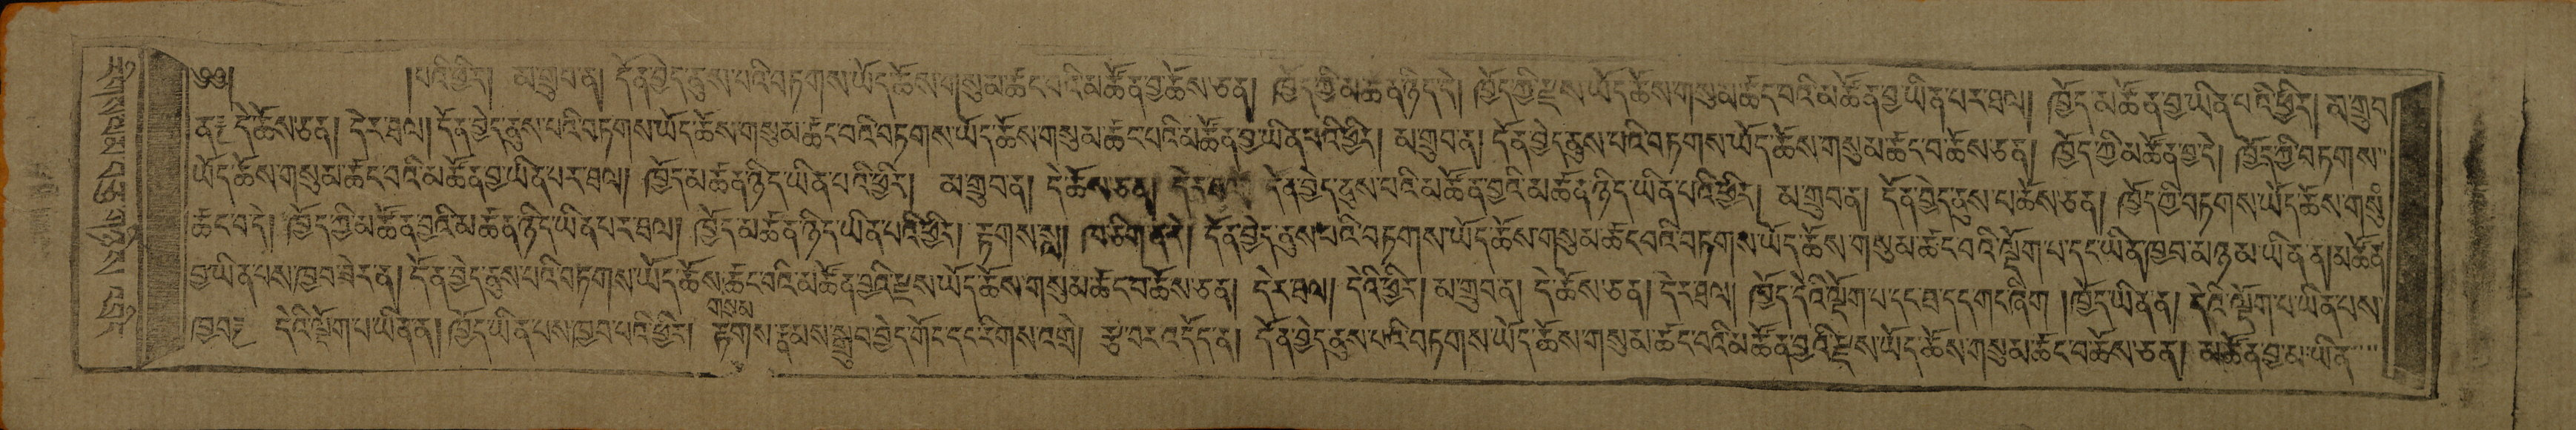༄༅། །པའི་ཕྱིར། མ་གྲུབ་ན། དོན་བྱེད་ནུས་པའི་བཏགས་ཡོད་ཆོས་གསུམ་ཚང་བའི་མཚོན་བྱ་ཆོས་ཅན། ཁྱོད་ཀྱི་མཚན་ཉིད་དེ། ཁྱོད་ཀྱི་རྫས་ཡོད་ཆོས་གསུམ་ཚང་བའི་མཚོན་བྱ་ཡིན་པར་ཐལ། ཁྱོད་མཚོན་བྱ་ཡིན་པའི་ཕྱིར། མ་གྲུབ་
ན༑ དེ་ཆོས་ཅན། དེར་ཐལ། དོན་བྱེད་ནུས་པའི་བཏགས་ཡོད་ཆོས་གསུམ་ཚང་བའི་བཏགས་ཡོད་ཆོས་གསུམ་ཚང་བའི་མཚོན་བྱ་ཡིན་པའི་ཕྱིར། མ་གྲུབ་ན། དོན་བྱེད་ནུས་པའི་བཏགས་ཡོད་ཆོས་གསུམ་ཚང་བ་ཆོས་ཅན། ཁྱོད་ཀྱི་མཚོན་བྱ་དེ། ཁྱོད་ཀྱི་བཏགས་
ཡོད་ཆོས་གསུམ་ཚང་བའི་མཚོན་བྱ་ཡིན་པར་ཐལ། ཁྱོད་མཚན་ཉིད་ཡིན་པའི་ཕྱིར། མ་གྲུབ་ན། དེ་ཆོས་ཅན། དེར་ཐལ། དོན་བྱེད་ནུས་པའི་མཚོན་བྱའི་མཚན་ཉིད་ཡིན་པའི་ཕྱིར། མ་གྲུབ་ན། དོན་བྱེད་ནུས་པ་ཆོས་ཅན། ཁྱོད་ཀྱི་བཏགས་ཡོད་ཆོས་གསུམ་
ཚང་བ་དེ། ཁྱོད་ཀྱི་མཚོན་བྱའི་མཚན་ཉིད་ཡིན་པར་ཐལ། ཁྱོད་མཚན་ཉིད་ཡིན་པའི་ཕྱིར། རྟགས་སླ། ཁ་ཅིག་ན་རེ། དོན་བྱེད་ནུས་པའི་བཏགས་ཡོད་ཆོས་གསུམ་ཚང་བའི་བཏགས་ཡོད་ཆོས་གསུམ་ཚང་བའི་ལྡོག་པ་དང་ཡིན་ཁྱབ་མཉམ་ཡིན་ན། མཚོན་
བྱ་ཡིན་པས་ཁྱབ་ཟེར་ན། དོན་བྱེད་ནུས་པའི་བཏགས་ཡོད་ཆོས་གསུམ་ཚང་བའི་མཚོན་བྱའི་རྫས་ཡོད་ཆོས་གསུམ་ཚང་བ་ཆོས་ཅན། དེར་ཐལ། དེའི་ཕྱིར། མ་གྲུབ་ན། དེ་ཆོས་ཅན། དེར་ཐལ། ཁྱོད་དེའི་ལྡོག་པ་དང་ཐ་དད་གང་ཞིག །ཁྱོད་ཡིན་ན། དེའི་ལྡོག་པ་ཡིན་པས་
ཁྱབ༑ དེའི་ལྡོག་པ་ཡིན་ན། ཁྱོད་ཡིན་པས་ཁྱབ་པའི་ཕྱིར། རྟགས་རྣམས་སྒྲུབ་བྱེད་གོང་དང་རིགས་འགྲེ། རྩ་བར་འདོད་ན། དོན་བྱེད་ནུས་པའི་བཏགས་ཡོད་ཆོས་གསུམ་ཚང་བའི་མཚོན་བྱའི་རྫས་ཡོད་ཆོས་གསུམ་ཚང་བ་ཆོས་ཅན། མཚོན་བྱ་མ་ཡིན་